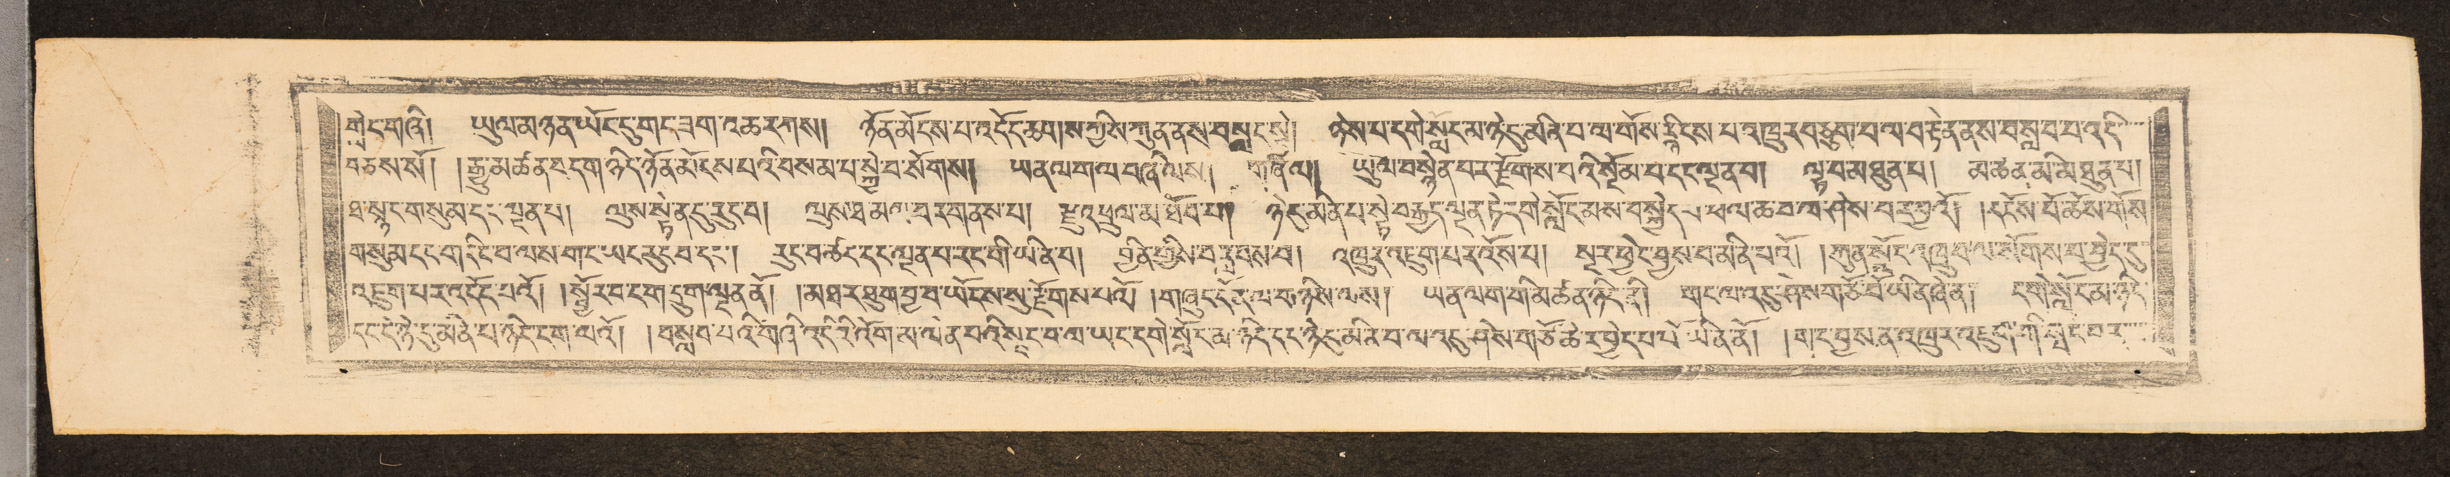གླེང་གཞི། ཡུལ་མཉན་ཡོད་དུ་གང་ཟག་འཆར་ཀས། ཉོན་མོངས་པ་འདོད་ཆགས་ཀྱིས་ཀུན་ནས་བསླང་སྟེ། ཉེས་པ་དགེ་སློང་མ་ཉེ་དུ་མིན་པ་ལ་གོས་རྙིངས་པ་འཁྲུར་བཅུག་པ་ལ་བརྟན་ནས་བསླབ་པ་འདི་
བཅས་སོ། །རྒྱུ་མཚན་བདག་ཉིད་ཉོན་མོངས་པའི་བསམ་པ་སྐྱེ་བ་སོགས། ཡན་ལག་ལ་བཞི་ལས། གཞི་ལ། ཡུལ་བསྙེན་པར་རྫོགས་པའི་སྡོམ་པ་དང་ལྡན་པ། ལྟ་བ་མཐུན་པ། མཚན་མི་མཐུན་པ།
ཐ་སྙད་གསུམ་དང་ལྡན་པ། ལུས་སྟེན་དུ་རུང་བ། ལུས་ཐ་མལ་བར་གནས་པ། རྫུ་འཕྲུལ་མ་ཐོབ་པ། ཉེ་དུ་མིན་པ་སྟེ་བརྒྱད་ལྡན་ཏེ་དགེ་སློང་མས་བསྐྱེད་པ་ཕལ་ཆེ་བ་ལ་ཤེས་པར་བྱའོ། །དངོས་པོ་ཆོས་གོས་
གསུམ་དང་གདིང་བ་ལས་གང་ཡང་རུང་བ་དང་། རུང་བ་ཚད་དང་ལྡན་པ་རང་གི་ཡིན་པ། བྱིན་གྱིས་བརླབས་པ། འཁྲུར་འཇུག་པར་འོས་པ། སྔར་ཕྱེང་བྱས་པ་མིན་པའོ། །ཀུན་སློང་འཁྲུ་བ་ལ་སོགས་པ་བྱེད་དུ་
འཇུག་པར་འདོད་པའོ། །སྦྱོར་བ་ངག་དྲུག་ལྡན་ནོ། །མཐར་ཐུག་བྱ་བ་ཡོངས་སུ་རྫོགས་པའོ། །གཞུང་དོན་ལ་གཉིས་ལས། ཡན་ལག་གི་མཚན་ཉིད་ནི། གང་ལ་འདུ་ཤེས་གཙོ་བོ་ཡིན་ཞེ་ན། དགེ་སློང་མ་ཉིང་
དང་དེ་ཉེ་དུ་མིན་པ་ཉིད་དག་ལའོ། །བསླབ་བའི་གཞི་འདིའི་འོག་མ་ལེན་པའི་སྤང་བ་ལ་ཡང་དགེ་སློང་མ་ཉིད་དང་ཉེ་དུ་མིན་པ་ལ་འདུ་ཤེས་གཙོ་ཆེར་བྱེད་པ་པོ་ཡིན་ནོ། །གང་བྱས་ན་འཁྲུར་འཇུག་གི་སྤང་བར་